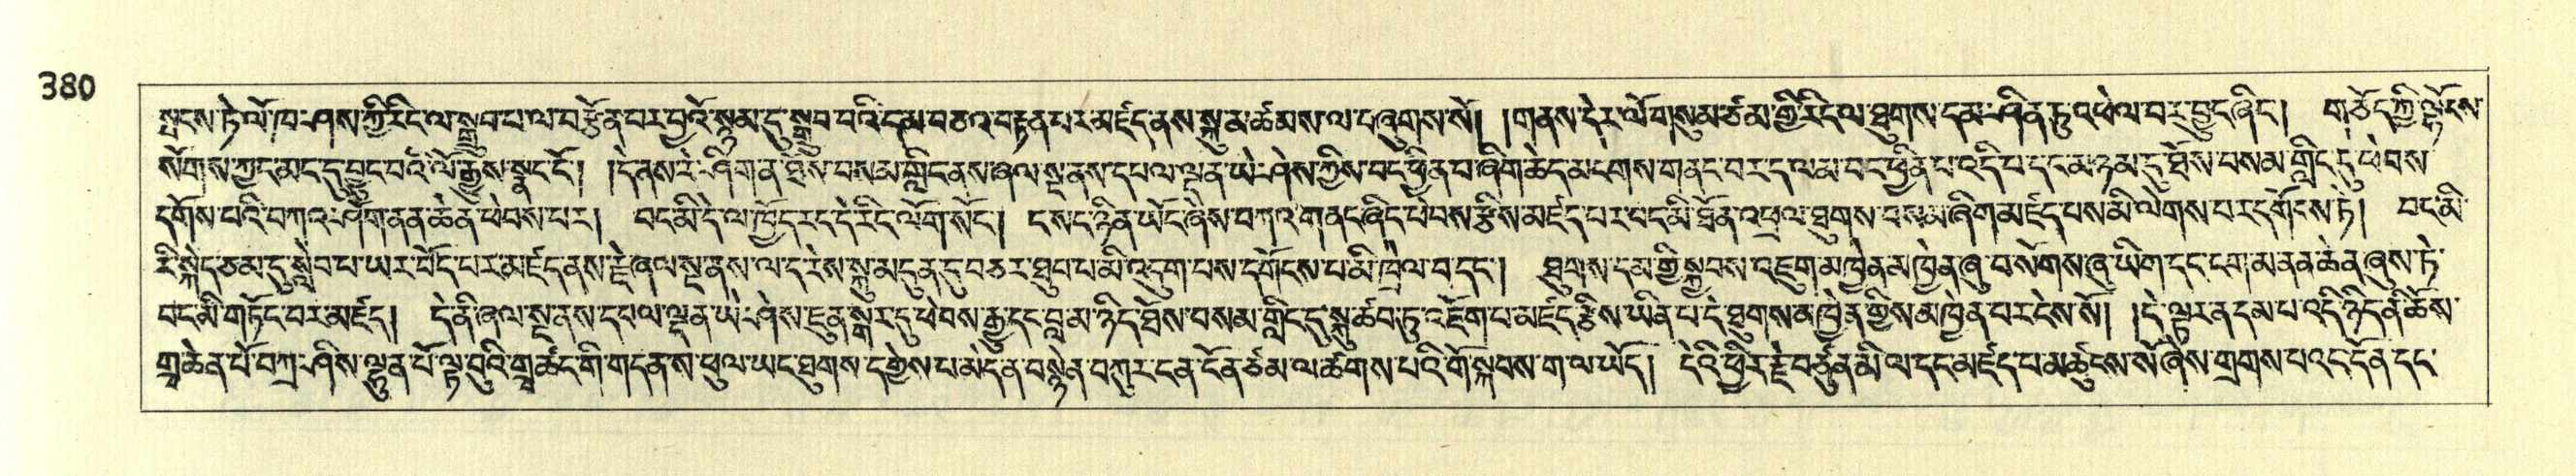སྤངས་ཏེ་ལོ་ཁ་ཤས་ཀྱི་རིང་ལ་སྒྲུབ་པ་ལ་བརྩོན་པར་བྱའོ་སྙམ་དུ་སྒྲུབ་པའི་དམ་བཅའ་བརྟན་པར་མཛད་ནས་སྐུ་མཚམས་ལ་བཞུགས་སོ། །གནས་དེར་ལོ་གསུམ་ཙམ་གྱི་རིང་ལ་ཐུགས་དམ་ཤིན་ཏུ་འཕེལ་བར་བྱུང་ཞིང་། གཅོད་ཀྱི་ལྷོངས་
སོགས་ཀྱང་མང་དུ་བྱུང་བའི་ལོ་རྒྱུས་སྣང་ངོ། །དེ་ནས་རེ་ཤིག་ན་ཐོས་བསམ་གླིང་ནས་ཞལ་སྔ་ནས་དཔལ་ལྡན་ཡེ་ཤེས་ཀྱིས་བང་ཕྱིན་པ་ཞིག་ཆེད་མངགས་གནང་བར་ད་ལམ་བང་ཕྱིན་པ་འདི་པ་དང་མཉམ་དུ་ཐོས་བསམ་གླིང་དུ་ཕེབས་
དགོས་པའི་བཀའ་ཤོག་ནན་ཆེན་ཕེབས་པར། བང་མི་དེ་ལ་ཁྱོད་རང་དེ་རིང་ལོག་སོང་། ང་སང་ཉིན་ཡོང་ཞེས་བཀའ་གནང་ཞིང་ཕེབས་རྩིས་མཛད་པར་བང་མི་ཐོན་འཕྲལ་ཐུགས་བསམ་ཞིག་མཛད་པས་མི་ལེགས་པར་དགོངས་ཏེ། བང་མི་
རི་སྐེད་ཅམ་དུ་སླེབ་པ་ཡར་བོད་པར་མཛད་ནས་རྗེ་ཞལ་སྔ་ནས་ལ་ད་རེས་སྐུ་མདུན་དུ་བཅར་ཐུབ་པ་མི་འདུག་པས་དགོངས་པ་མི་ཁྲེལ་བ་དང་། ཐུགས་དམ་གྱི་སྐྱབས་འཇུག་མཁྱེན་མཁྱེན་ཞུ་བ་སོགས་ཞུ་ཡིག་དང་ངག་མ་ནན་ཆེན་ཞུས་ཏེ་
བང་མི་གཏོང་བར་མཛད། དེ་ནི་ཞལ་སྔ་ནས་དཔལ་ལྡན་ཡེ་ཤེས་ཇུན་སྒར་དུ་ཕེབས་རྒྱུ་དང་བླ་མ་ཉིད་ཐོས་བསམ་གླིང་དུ་སྐུ་ཚབ་ཏུ་འཇོག་པ་མཛད་རྩིས་ཡིན་པ་དེ་ཐུགས་མཁྱེན་གྱིས་མཁྱེན་པར་ངེས་སོ། །དེ་ལྟར་ན་དམ་པ་འདི་ཉིད་ནི་ཆོས་
གྲྭ་ཆེན་པོ་བཀྲ་ཤིས་ལྷུན་པོ་ལྟ་བུའི་གྲྭ་ཚང་གི་གདན་ས་ཕུལ་ཡང་ཐུགས་དགྱེས་པ་མེད་ན་བསྙེན་བཀུར་ངན་ངོན་ཙམ་ལ་ཚགས་པའི་གོ་སྐབས་ག་ལ་ཡོད། དེའི་ཕྱིར་རྗེ་བཙུན་མི་ལ་དང་མཛད་པ་མཚུངས་སོ་ཞེས་གྲགས་པའང་དོན་དང་